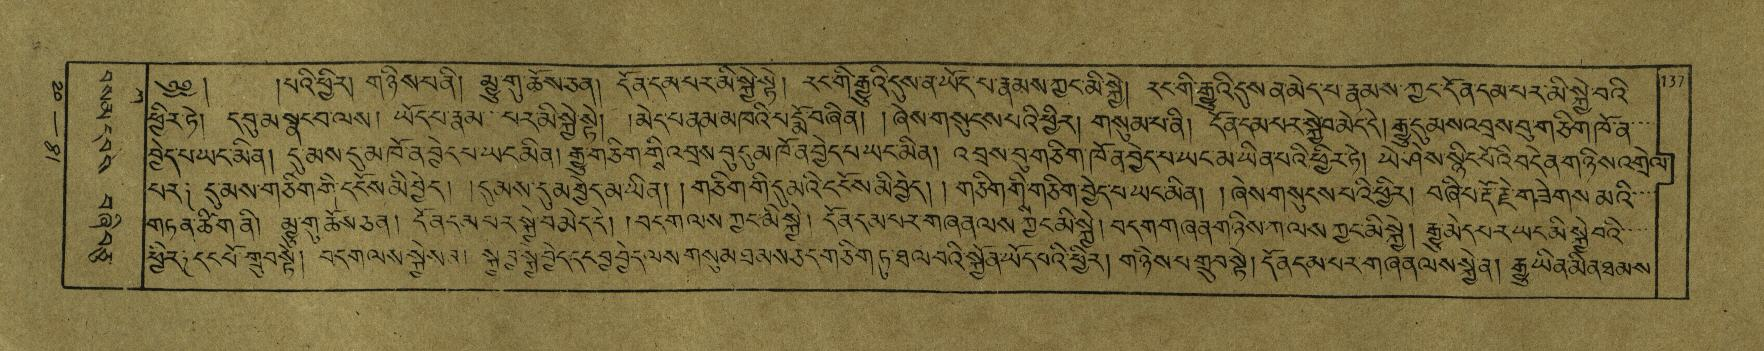༄༅། །པའི་ཕྱིར། གཉིས་པ་ནི། མྱུ་གུ་ཆོས་ཅན། དོན་དམ་པར་མི་སྐྱེ་སྟེ། རང་གི་རྒྱུའི་དུས་ན་ཡོད་པ་རྣམས་ཀྱང་མི་སྐྱེ། རང་གི་རྒྱུའི་དུས་ན་མེད་པ་རྣམས་ཀྱང་དོན་དམ་པར་མི་སྐྱེ་བའི་
ཕྱིར་ཏེ། དབུ་མ་སྣང་བ་ལས། ཡོད་པ་རྣམ་པར་མི་སྐྱེ་སྟེ། །མེད་པ་ནམ་མཁའི་པདམོ་བཞིན། །ཞེས་གསུངས་པའི་ཕྱིར། གསུམ་པ་ནི། དོན་དམ་པར་སྐྱེ་བ་མེད་དེ། རྒྱུ་དུ་མས་འབྲས་བུ་གཅིག་ཁོ་ན་
བྱེད་པ་ཡང་མིན། དུ་མས་དུ་མ་ཁོ་ན་བྱེད་པ་ཡང་མིན། རྒྱུ་གཅིག་གིས་འབྲས་བུ་དུ་མ་ཁོ་ན་བྱེད་པ་ཡང་མིན། འབྲས་བུ་གཅིག་ཁོ་ན་བྱེད་པ་ཡང་མ་ཡིན་པའི་ཕྱིར་ཏེ། ཡེ་ཤེས་སྙིང་པོའི་བདེན་གཉིས་འགྲེལ་
པར༑ དུ་མས་གཅིག་གི་དངོས་མི་བྱེད། །དུ་མས་དུ་མ་བྱེད་མ་ཡིན། །གཅིག་གི་དུ་མའི་དངོས་མི་བྱེད། །གཅིག་གིས་གཅིག་བྱེད་པ་ཡང་མིན། །ཞེས་གསུངས་པའི་ཕྱིར། བཞི་པ་རྡོ་རྗེ་གཟེགས་མའི་
གཏན་ཚིག་ནི། མྱུ་གུ་ཆོས་ཅན། དོན་དམ་པར་སྐྱེ་བ་མེད་དེ། །བདག་ལས་ཀྱང་མི་སྐྱེ། དོན་དམ་པར་གཞན་ལས་ཀྱང་མི་སྐྱེ། བདག་གཞན་གཉིས་ཀ་ལས་ཀྱང་མི་སྐྱེ། རྒྱུ་མེད་པར་ཡང་མི་སྐྱེ་བའི་
ཕྱིར༑ དང་པོ་གྲུབ་སྟེ། བདག་ལས་སྐྱེས་ན། སྐྱེ་བྱ་སྐྱེ་བྱེད་དང་བྱ་བྱེད་ལས་གསུམ་ཐམས་ཅད་གཅིག་ཏུ་ཐལ་བའི་སྐྱོན་ཡོད་པའི་ཕྱིར། གཉིས་པ་གྲུབ་སྟེ། དོན་དམ་པར་གཞན་ལས་སྐྱེ་ན། རྒྱུ་ཡིན་མིན་ཐམས་